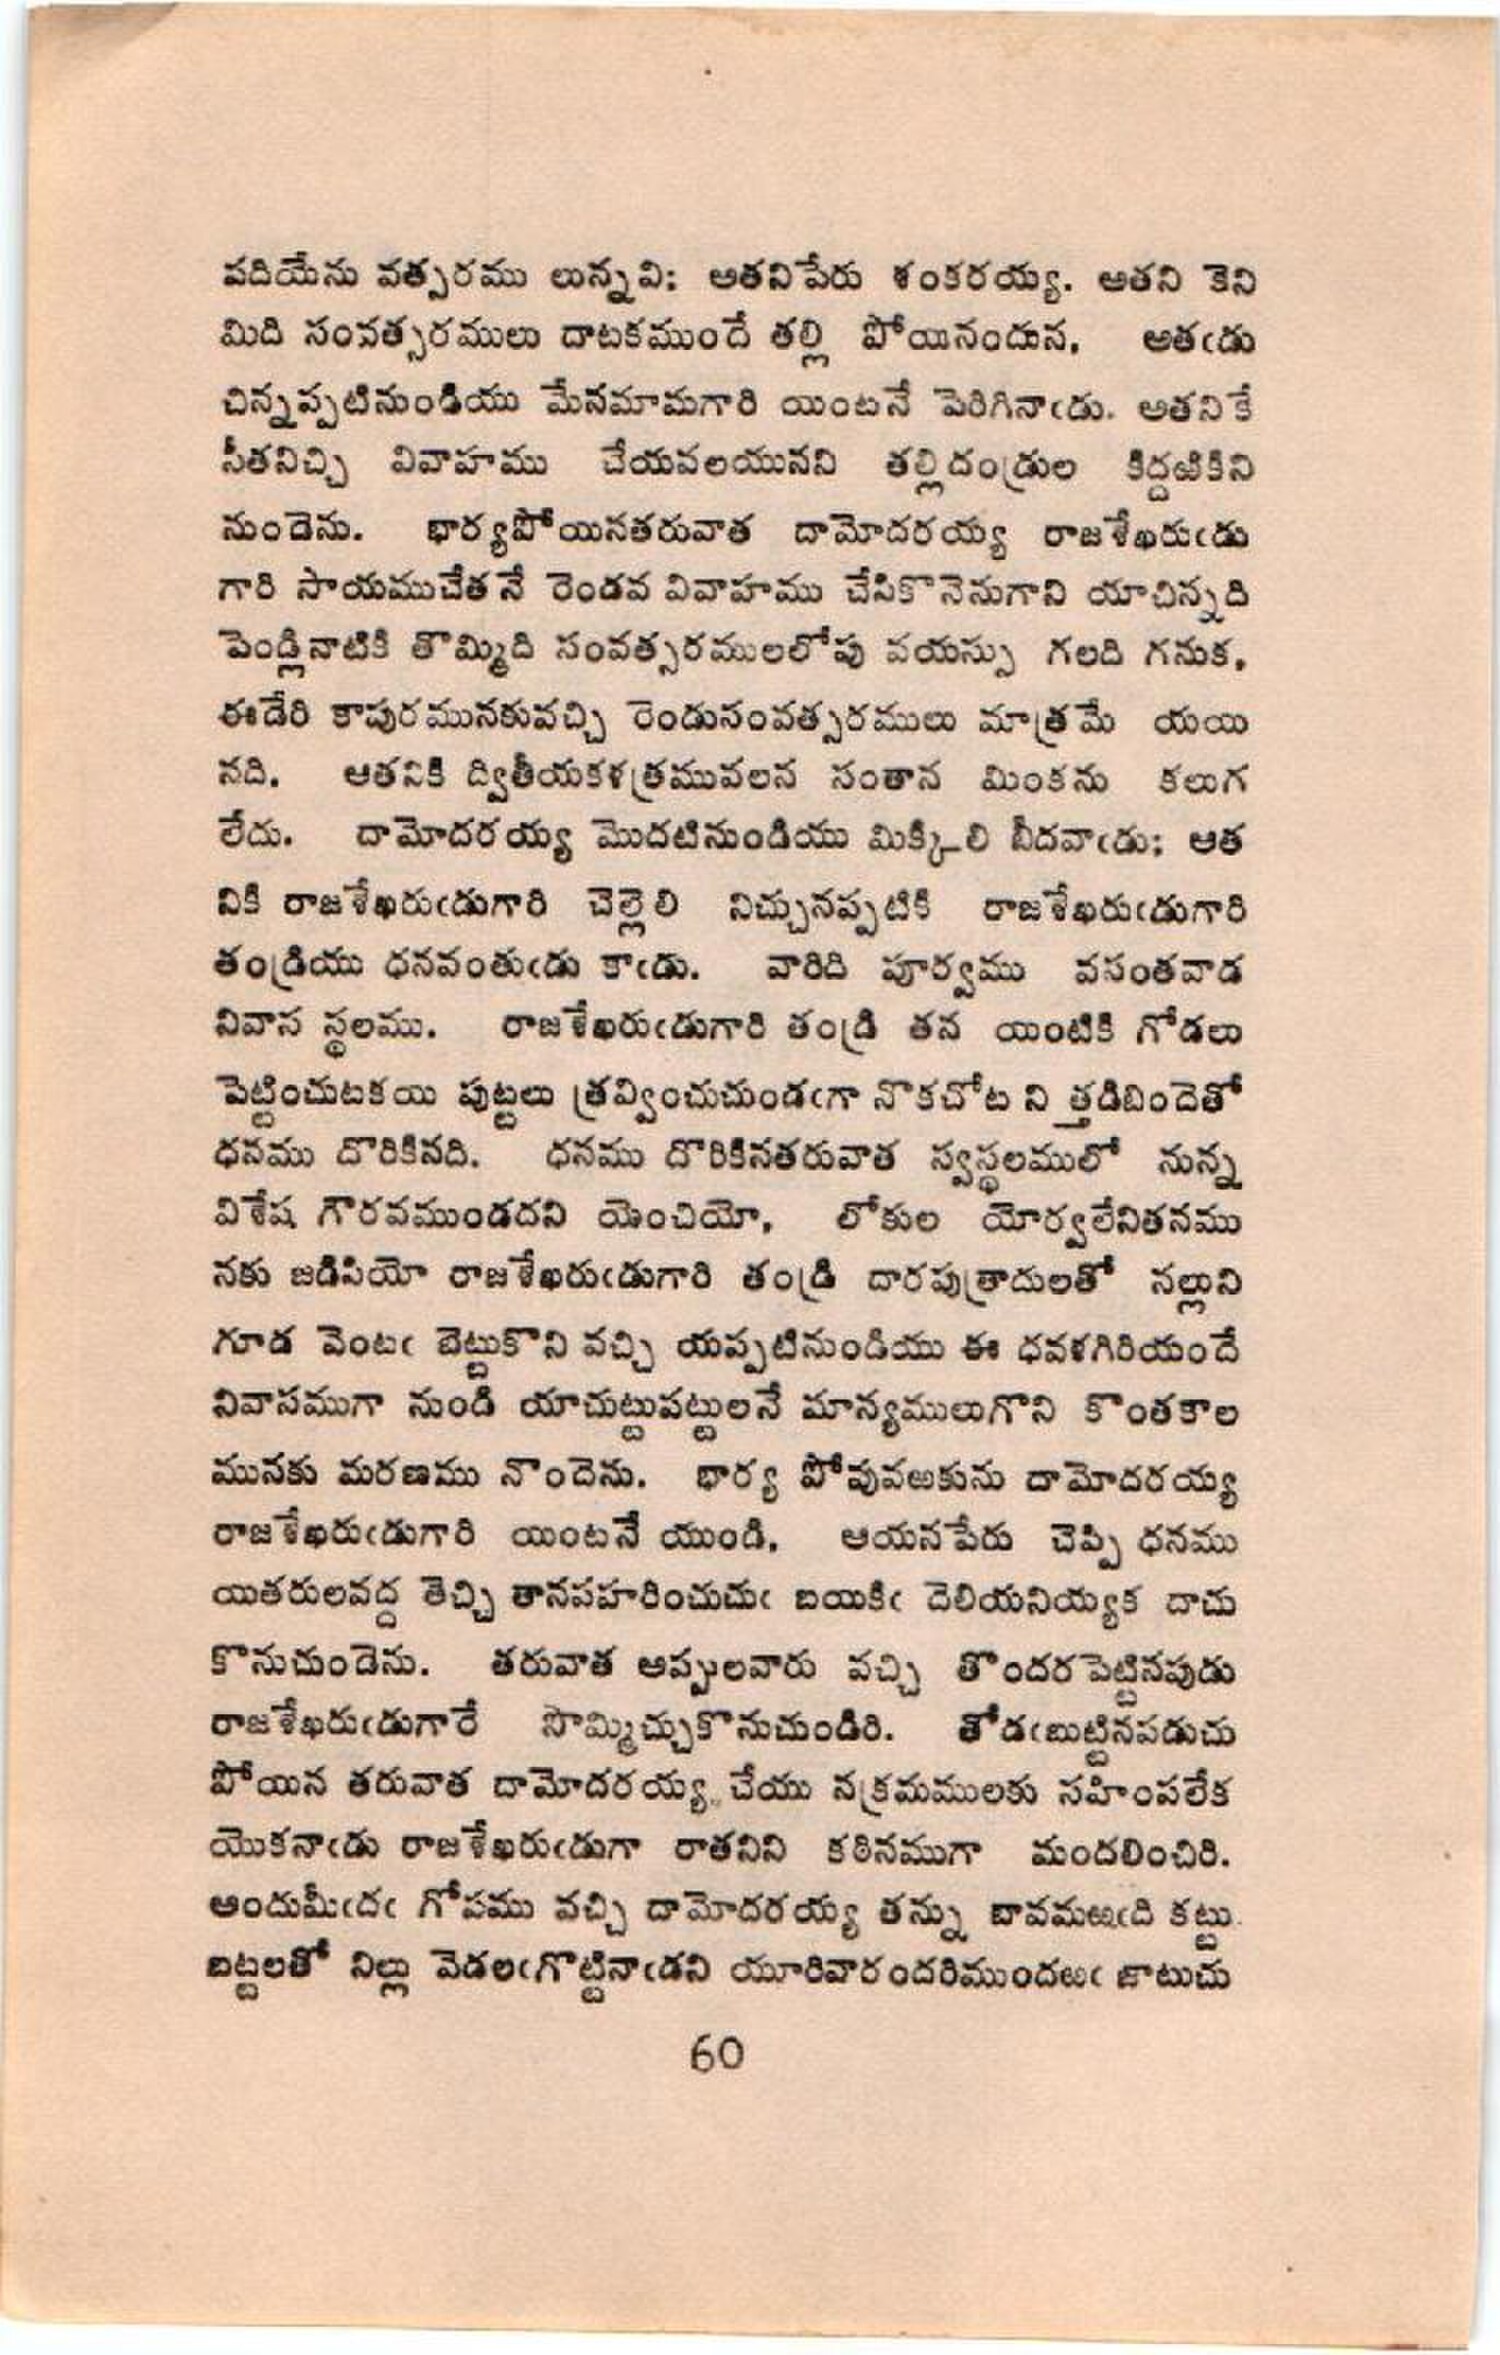పదియేను వత్సరము లున్నవి; ఆతనిపేరు శంకరయ్య. అతని కెని మిది సంవత్సరములు దాటకముందే తల్లి పోయినందున, అతఁడు చిన్నప్పటినుండియు మేనమామగారి యింటనే పెరిగినాఁడు. అతనికే సీతనిచ్చి వివాహము చేయవలయునని తల్లిదండ్రుల కిద్దఱికిని నుండెను. భార్యపోయినతరువాత దామోదరయ్య రాజశేఖరుఁడు గారి సాయముచేతనే రెండవ వివాహము చేసికొనెనుగాని యాచిన్నది పెండ్లినాటికి తొమ్మిది సంవత్సరములలోపు వయస్సు గలది గనుక, ఈడేరి కాపురమునకువచ్చి రెండుసంవత్సరములు మాత్రమే యయి నది. ఆతనికి ద్వితీయ కళత్రమువలన సంతాన మింకను కలుగ లేదు. దామోదరయ్య మొదటినుండియు మిక్కిలి బీదవాఁడు; ఆతనికి రాజశేఖరుఁడుగారి చెల్లెలి నిచ్చునప్పటికి రాజశేఖరుఁడుగారి తండ్రియు ధనవంతుఁడు కాఁడు. వారిది పూర్వము వసంతవాడ నివాస స్థలము. రాజశేఖరుడుగారి తండ్రి తన యింటికి గోడలు పెట్టించుటకయి పుట్టలు త్రవ్వించుచుండగా నొకచోట నిత్తడిబిందెతో ధనము దొరికినది. ధనము దొరికినతరువాత స్వస్థలములో నున్న విశేష గౌరవముండదని యెంచియో, లోకుల యోర్వలేనితనము నకు జడిసియో రాజశేఖరుఁడుగారి తండ్రి దారపుత్రాదులతో నల్లని గూడ వెంటఁ బెట్టుకొని వచ్చియప్పటినుండియు ఈ ధవళగిరియందే నివాసముగా నుండి యాచుట్టుపట్టులనే మాన్యములుగొని కొంతకాలమునకు మరణము నొందెను. భార్య పోవువఱకును దామోదరయ్య రాజశేఖరుఁడుగారి యింటనే యుండి, ఆయనపేరు చెప్పి ధనము యితరులవద్ద తెచ్చి తానపహరించుచుఁ బయికిఁ దెలియనియ్యక దాచుకొనుచుండెను. తరువాత అప్పులవారు వచ్చి తొందరపెట్టినపుడు రాజశేఖరుఁడుగారే సొమ్మిచ్చుకొనుచుండిరి. తోడఁబుట్టినపడుచు పోయిన తరువాత దామోదరయ్య చేయు నక్రమములకు సహింపలేక యొకనాడు రాజశేఖరుడుగా రాతనిని కఠినముగా మందలించిరి. ఆందుమీఁదఁ గోపము వచ్చి దామోదరయ్య తన్ను బావమఱఁది కట్టు బట్టలతో నిల్లు వెడలగొట్టినాఁడని యూరివారందరిముందఱఁ జాటుచు